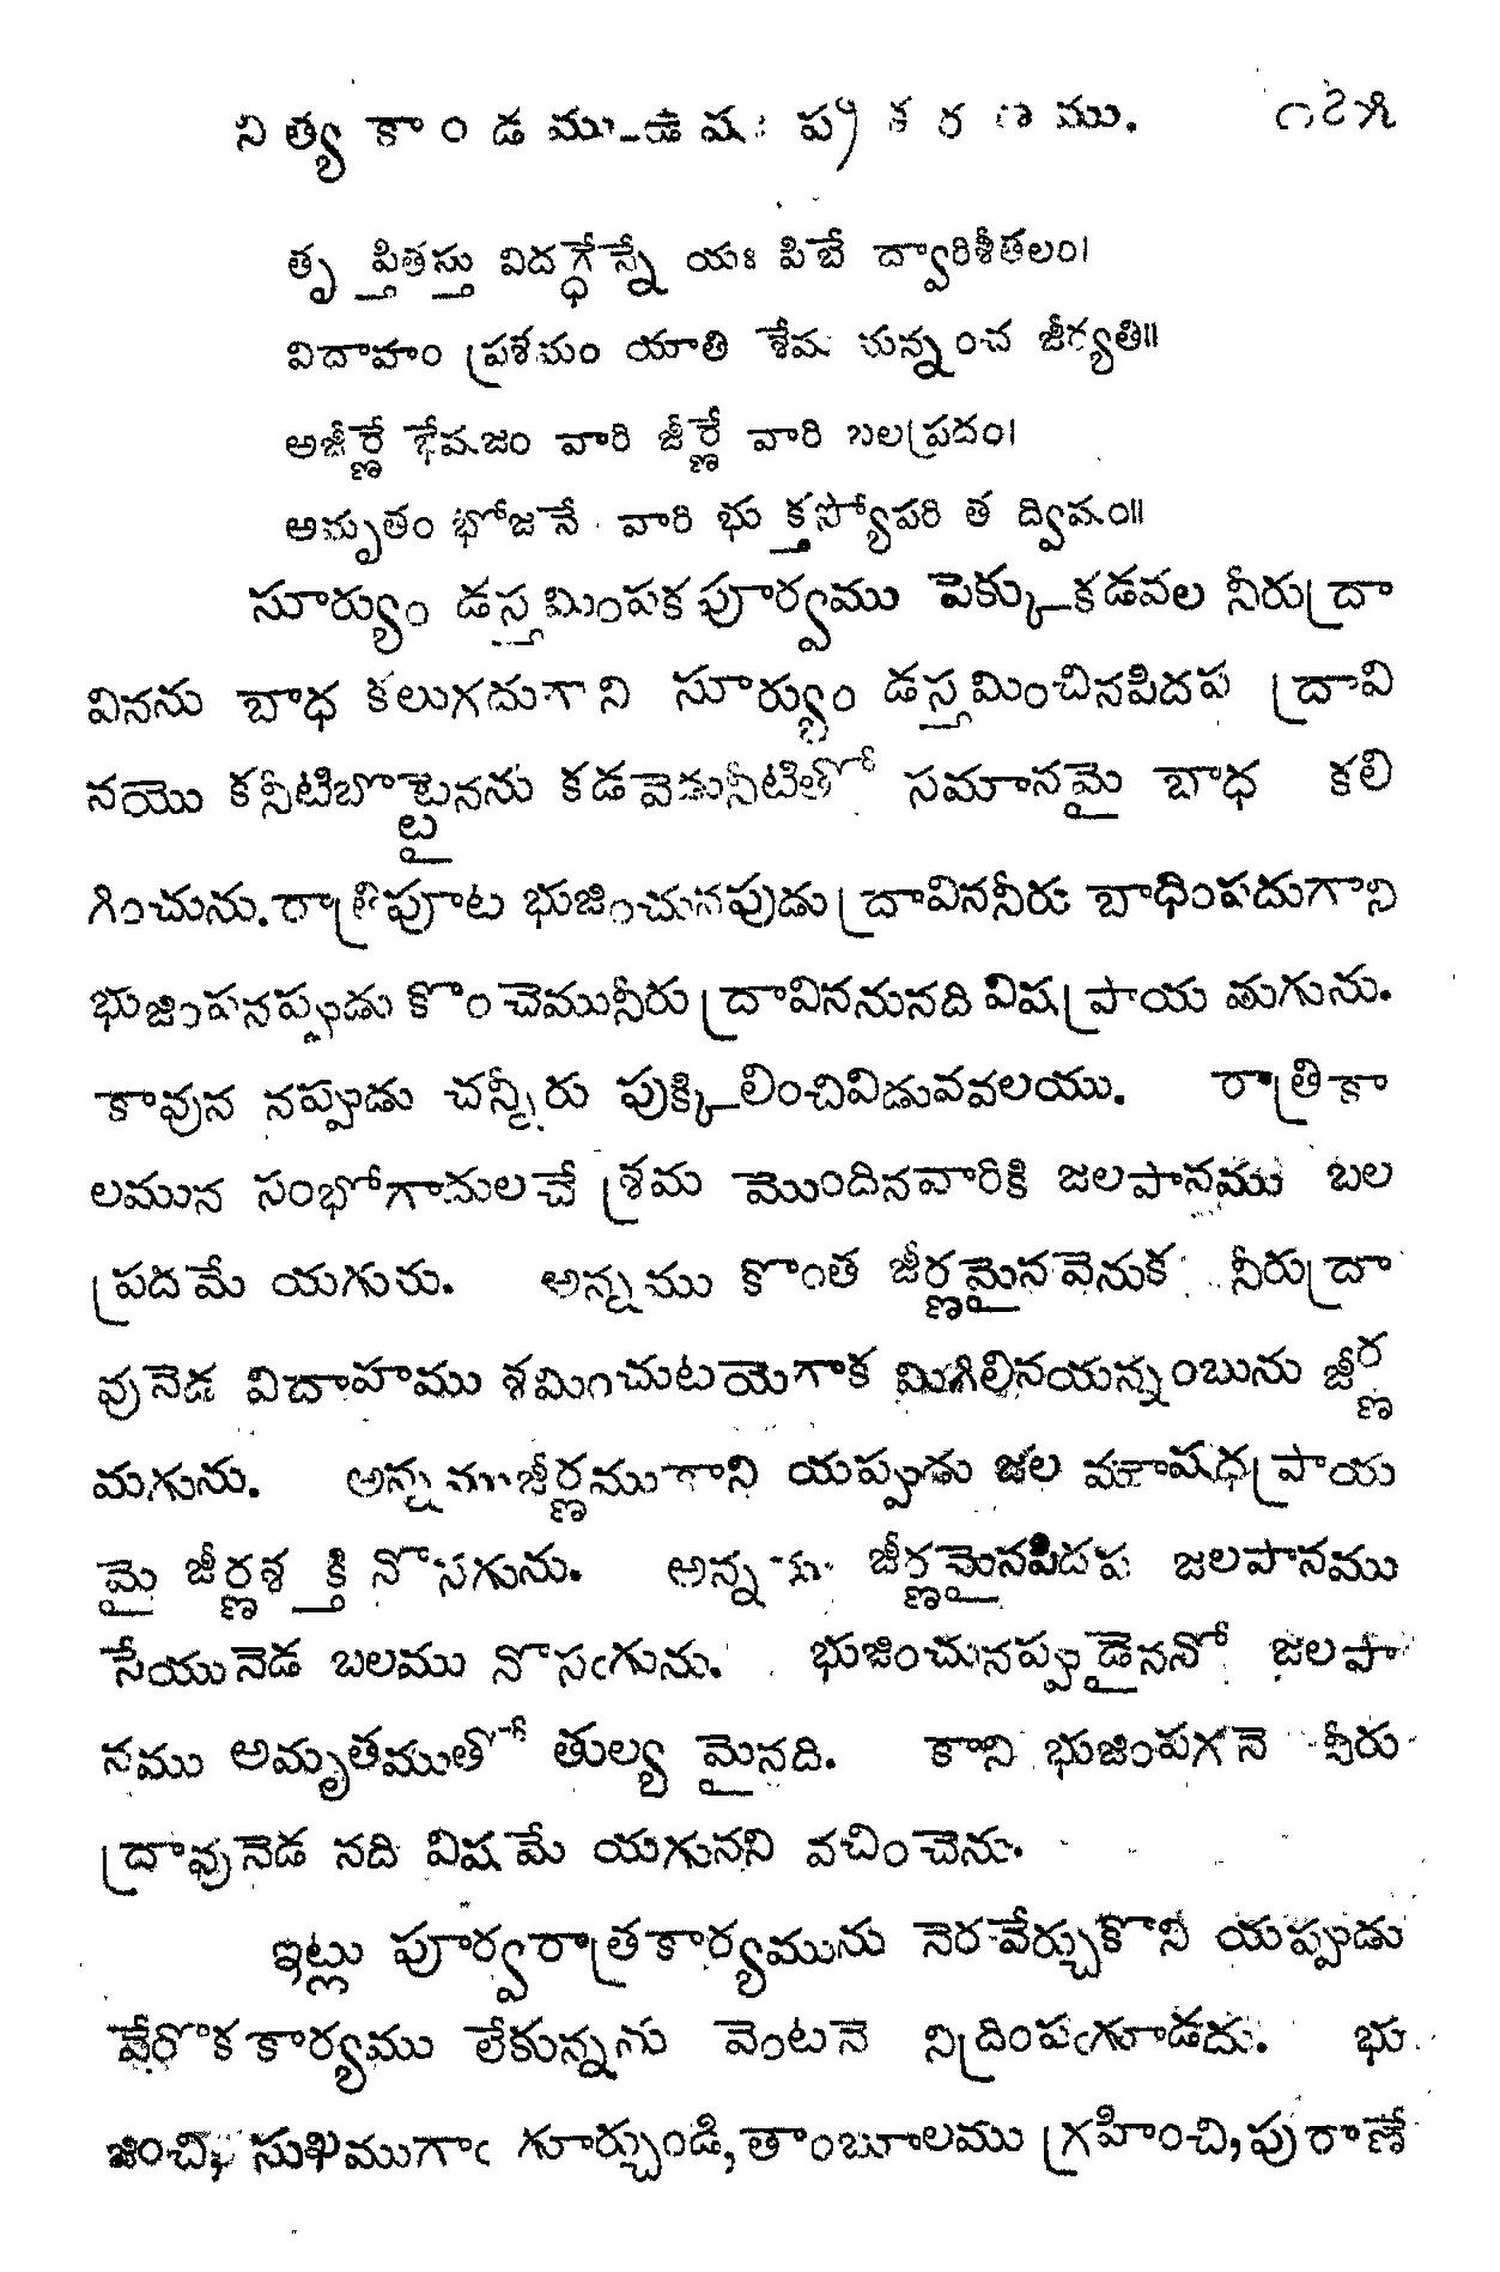తృప్తితస్తు విదగ్ధేన్నే యః పిబే ద్వారిశీతలం।
విదాహం ప్రశమం యాతి శేష మన్నంచ జీర్యతి॥
అజీర్ణే భేషజం వారి జీర్ణే వారి బలప్రదం।
అమృతం భోజనే వారి భుక్తస్యోపరి త ద్విషం॥

సూర్యుం డస్తమింపకపూర్వము పెక్కుకడవల నీరుద్రావినను బాధ కలుగదుగాని సూర్యుం డస్తమించినపిదప ద్రావినయొ కన్నీటిబొట్టైనను కడవెడునీటితో సమానమై బాధ కలిగించును. రాత్రిపూట భుజించునపుడు ద్రావిననీరు బాధింపదుగాని భుజింపనప్పుడు కొంచెమునీరు ద్రావిననునది విషప్రాయ మగును. కావున నప్పుడు చన్నీరు పుక్కిలించివిడువవలయు. రాత్రికాలమున సంభోగాదులచే శ్రమ మొందినవారికి జలపానము బల ప్రదమే యగును. అన్నము కొంత జీర్ణమైనవెనుక నీరుద్రావునెడ విదాహము శమించుటయెగాక మిగిలినయన్నంబును జీర్ణమగును. అన్నముజీర్ణముకాని యప్పుడు జల మౌషధప్రాయమై జీర్ణశక్తి నొసగును. అన్నము జీర్ణమైనపిదప జలపానము సేయునెడ బలము నొసఁగును. భుజించునప్పుడైననో, జలపానము అమృతముతో తుల్య మైనది. కాని భుజింపగనె నీరుద్రావునెడ నది విషమే యగునని వచించెను.

ఇట్లు పూర్వరాత్ర కార్యమును నెరవేర్చుకొని యప్పుడు వేరొకకార్యము లేకున్నను వెంటనే నిద్రింపఁగూడదు. భుజించి, సుఖముగాఁ గూర్చుండి, తాంబూలము గ్రహించి, పురాణే